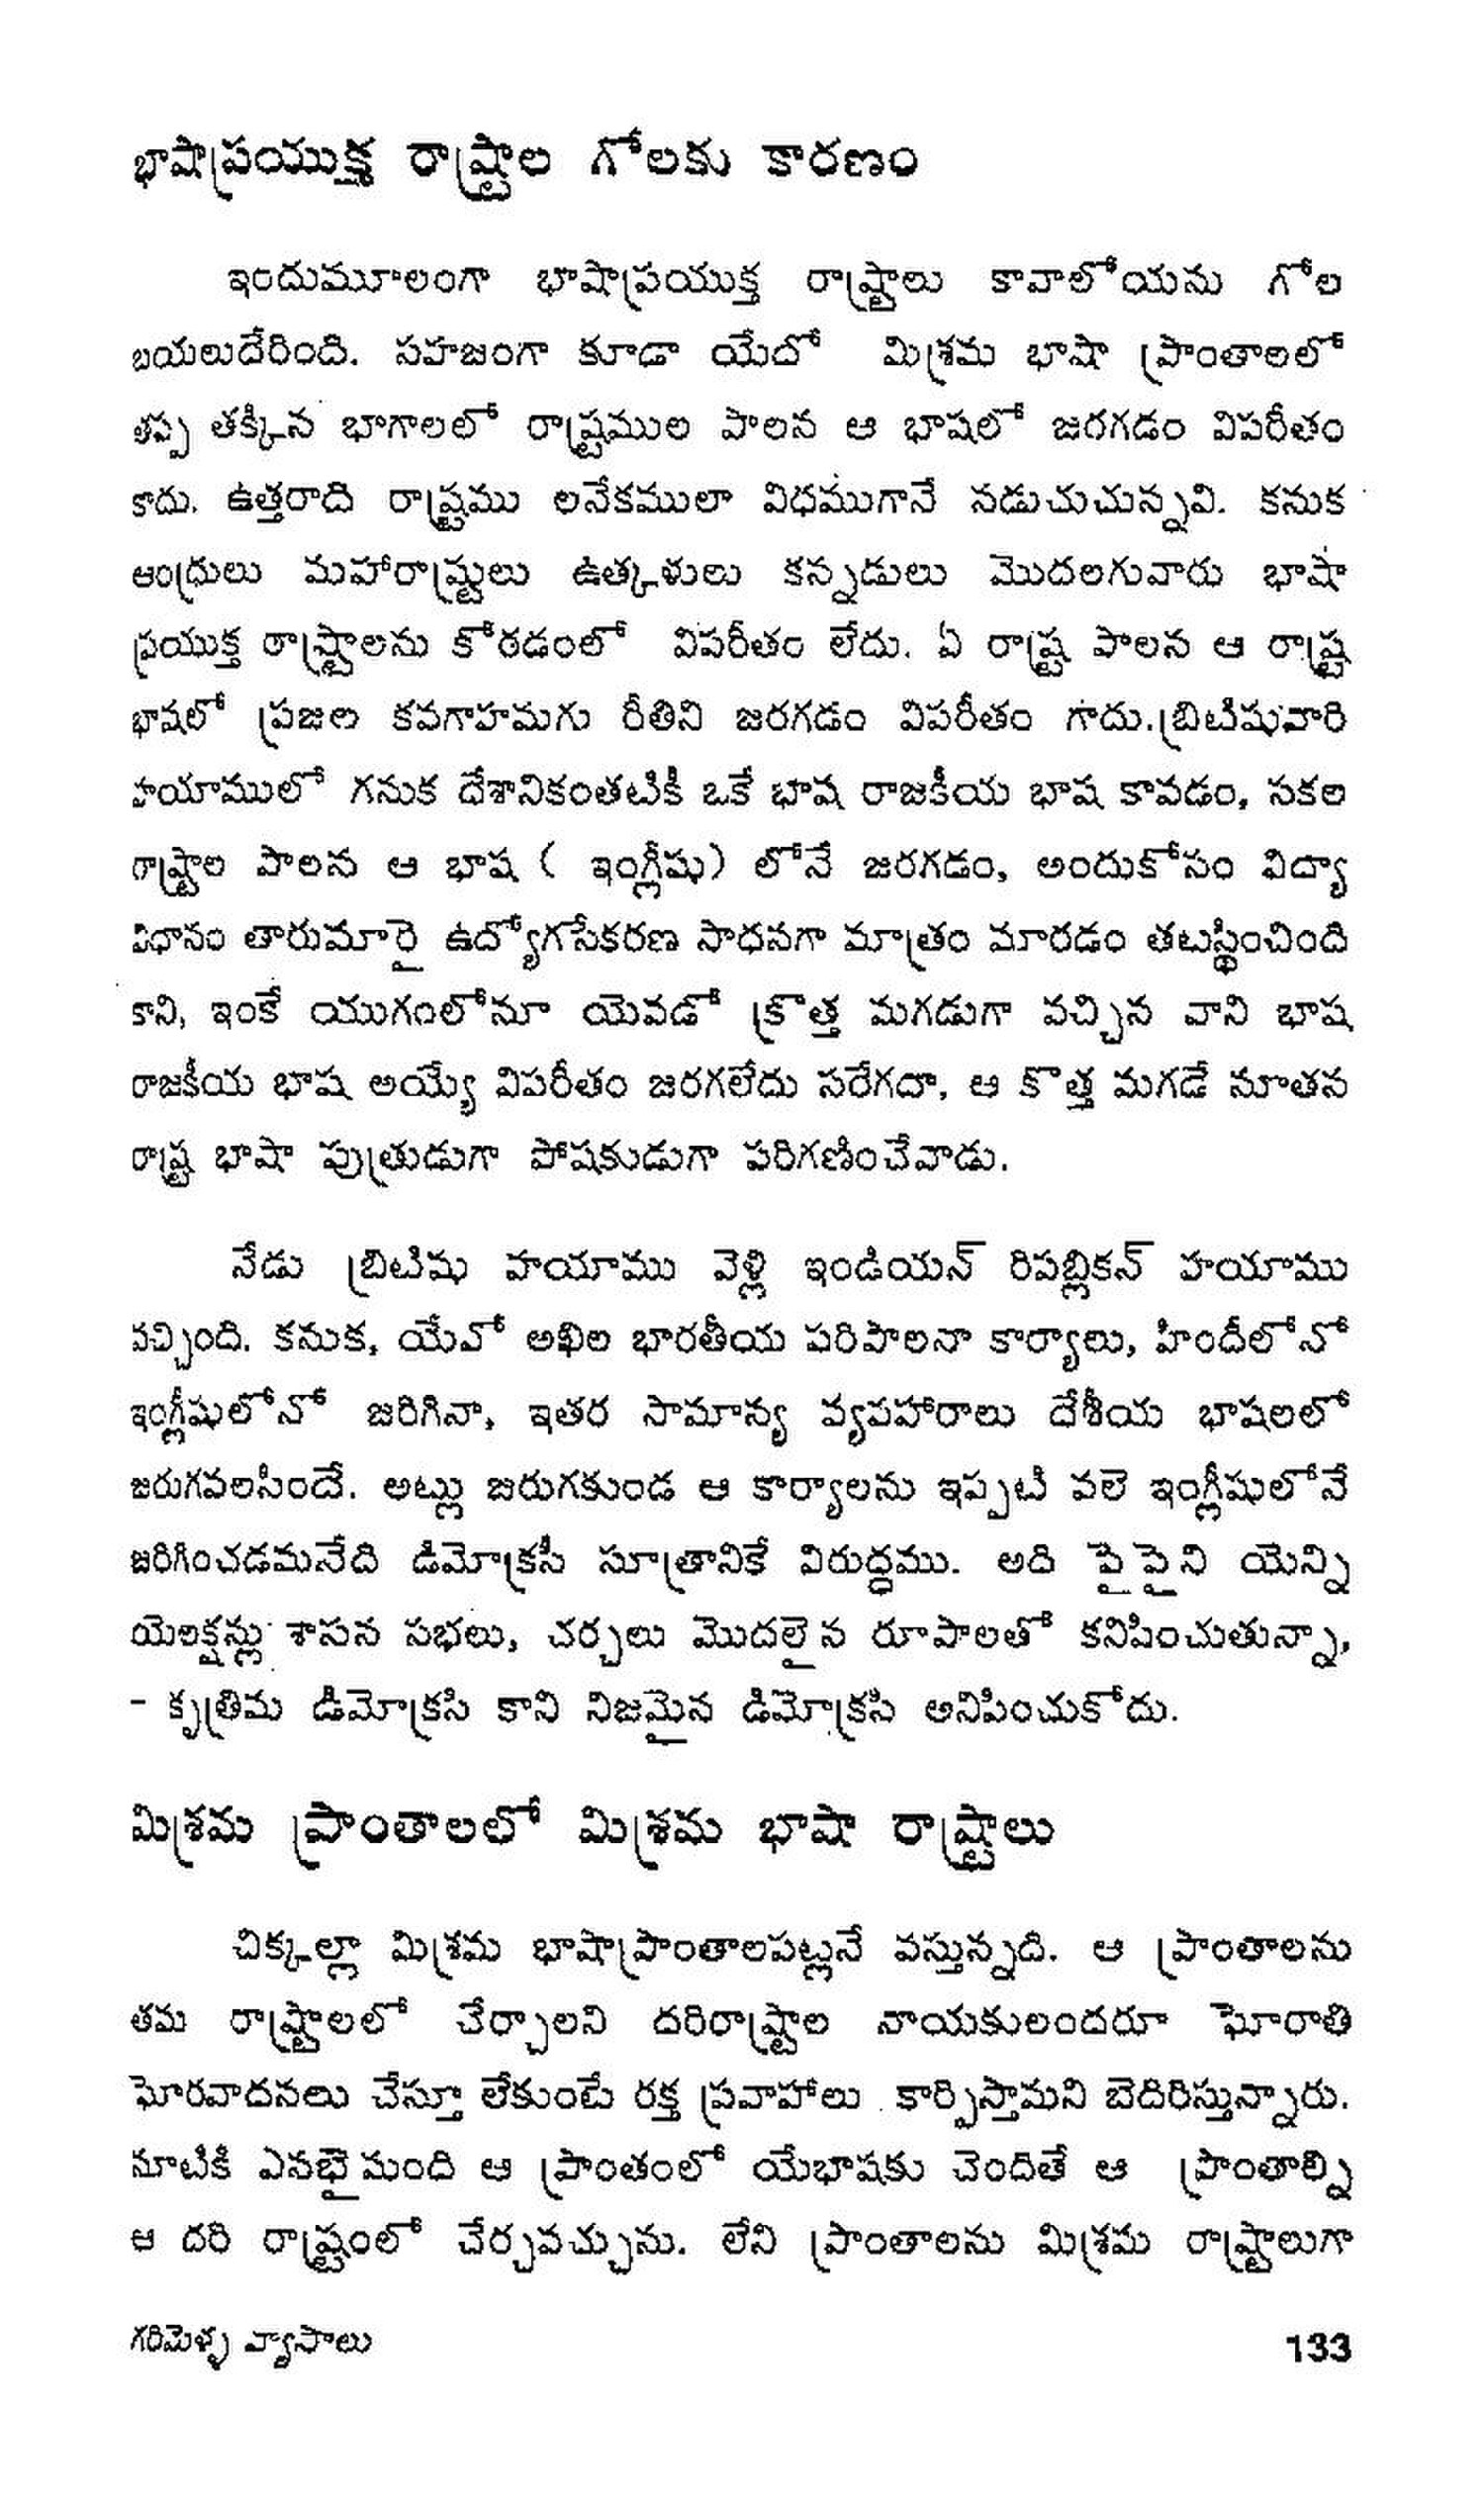భాషాప్రయుక్త రాష్ట్రాల గోలకు కారణం

ఇందుమూలంగా భాషాప్రయుక్త రాష్ట్రాలు కావాలోయను గోల బయలుదేరింది. సహజంగా కూడా యేదో మిశ్రమ భాషా ప్రాంతాలలో తప్ప తక్కిన భాగాలలో రాష్ట్రముల పాలన ఆ భాషలో జరగడం విపరీతం కాదు. ఉత్తరాది రాష్ట్రము లనేకములా విధముగానే నడుచుచున్నవి. కనుక ఆంధ్రులు మహారాష్ట్రులు ఉత్కళులు కన్నడులు మొదలగువారు భాషా ప్రయుక్త రాష్ట్రాలను కోరడంలో విపరీతం లేదు. ఏ రాష్ట్ర పాలన ఆ రాష్త్రభాషలో ప్రజల కవగాహమగు రీతిని జరగడం విపరీతం గాదు. బ్రిటిషువారి హయాములో గనుక దేశానికంతటికి ఒకే భాష రాజకీయ భాష కావడం, సకల రాష్ట్రాల పాలన ఆ భాష (ఇంగ్లీషు) లోనే జరగడం, అందుకోసం విద్యావిధానం తారుమారై ఉద్యోగసేకరణ సాధనగా మాత్రం మారడం తటస్థించింది కాని, ఇంకే యుగంలోనూ యెవడో క్రొత్త మగడుగా వచ్చిన వాని భాష రాజకీయ భాష అయ్యే విపరీతం జరగలేదు సరేగదా. ఆ కొత్త మగడే నూతన రాష్ట్ర భాషా పుత్రుడుగా పోషకుడుగా పరిగణించేవాడు.

నేడు బ్రిటిషు హయాము వెళ్లి ఇండియన్ రిపబ్లికన్ హయాము వచ్చింది. కనుక, యేవో అఖిల భారతీయ పరిపాలనా కార్యాలు హిందీలోనో ఇంగ్లీషులోనో జరిగినా, ఇతర సామాన్య వ్వవహారాలు దేశీయ భాషలలో జరుగవలసిందే. అట్లు జరుగకుండ ఆ కార్యాలను ఇప్పటి వలె ఇంగ్లీషులోనే జరిగించడమనేది డెమోక్రసీ సూత్రానికే విరుద్ధము. అది పై పైని యెన్ని యెలక్షన్లు శాసన సభలు, చర్చలు మొదలైన రూపాలతో కనిపించుతున్నా కృత్రిమ డిమోక్రసి కాని నిజమైన డిమోక్రసి అనిపించుకోదు.

మిశ్రమ ప్రాంతాలలో మిశ్రమ భాషా రాష్ట్రాలు
 
చిక్కల్లా మిశ్రమ భాషాప్రాంతాలపట్లనే వస్తున్నది. ఆ ప్రాంతాలను తమ రాష్ట్రాలలో చేర్చాలని దరిరాష్ట్రాల నాయకులందరూ ఘోరాతి ఘోరవాదనలు చేస్తూ లేకుంటే రక్త ప్రవాహాలు కార్పిస్తామని బెదిరిస్తున్నారు. నూటికి ఎనభైమంది ఆ ప్రాంతంలో యేభాషము చెందితే ఆ ప్రాంతాల్ని ఆ దరి రాష్ట్రంలో చేర్చవచ్చును లేని ప్రాంతాలను మిశ్రమ రాష్ట్రాలుగా